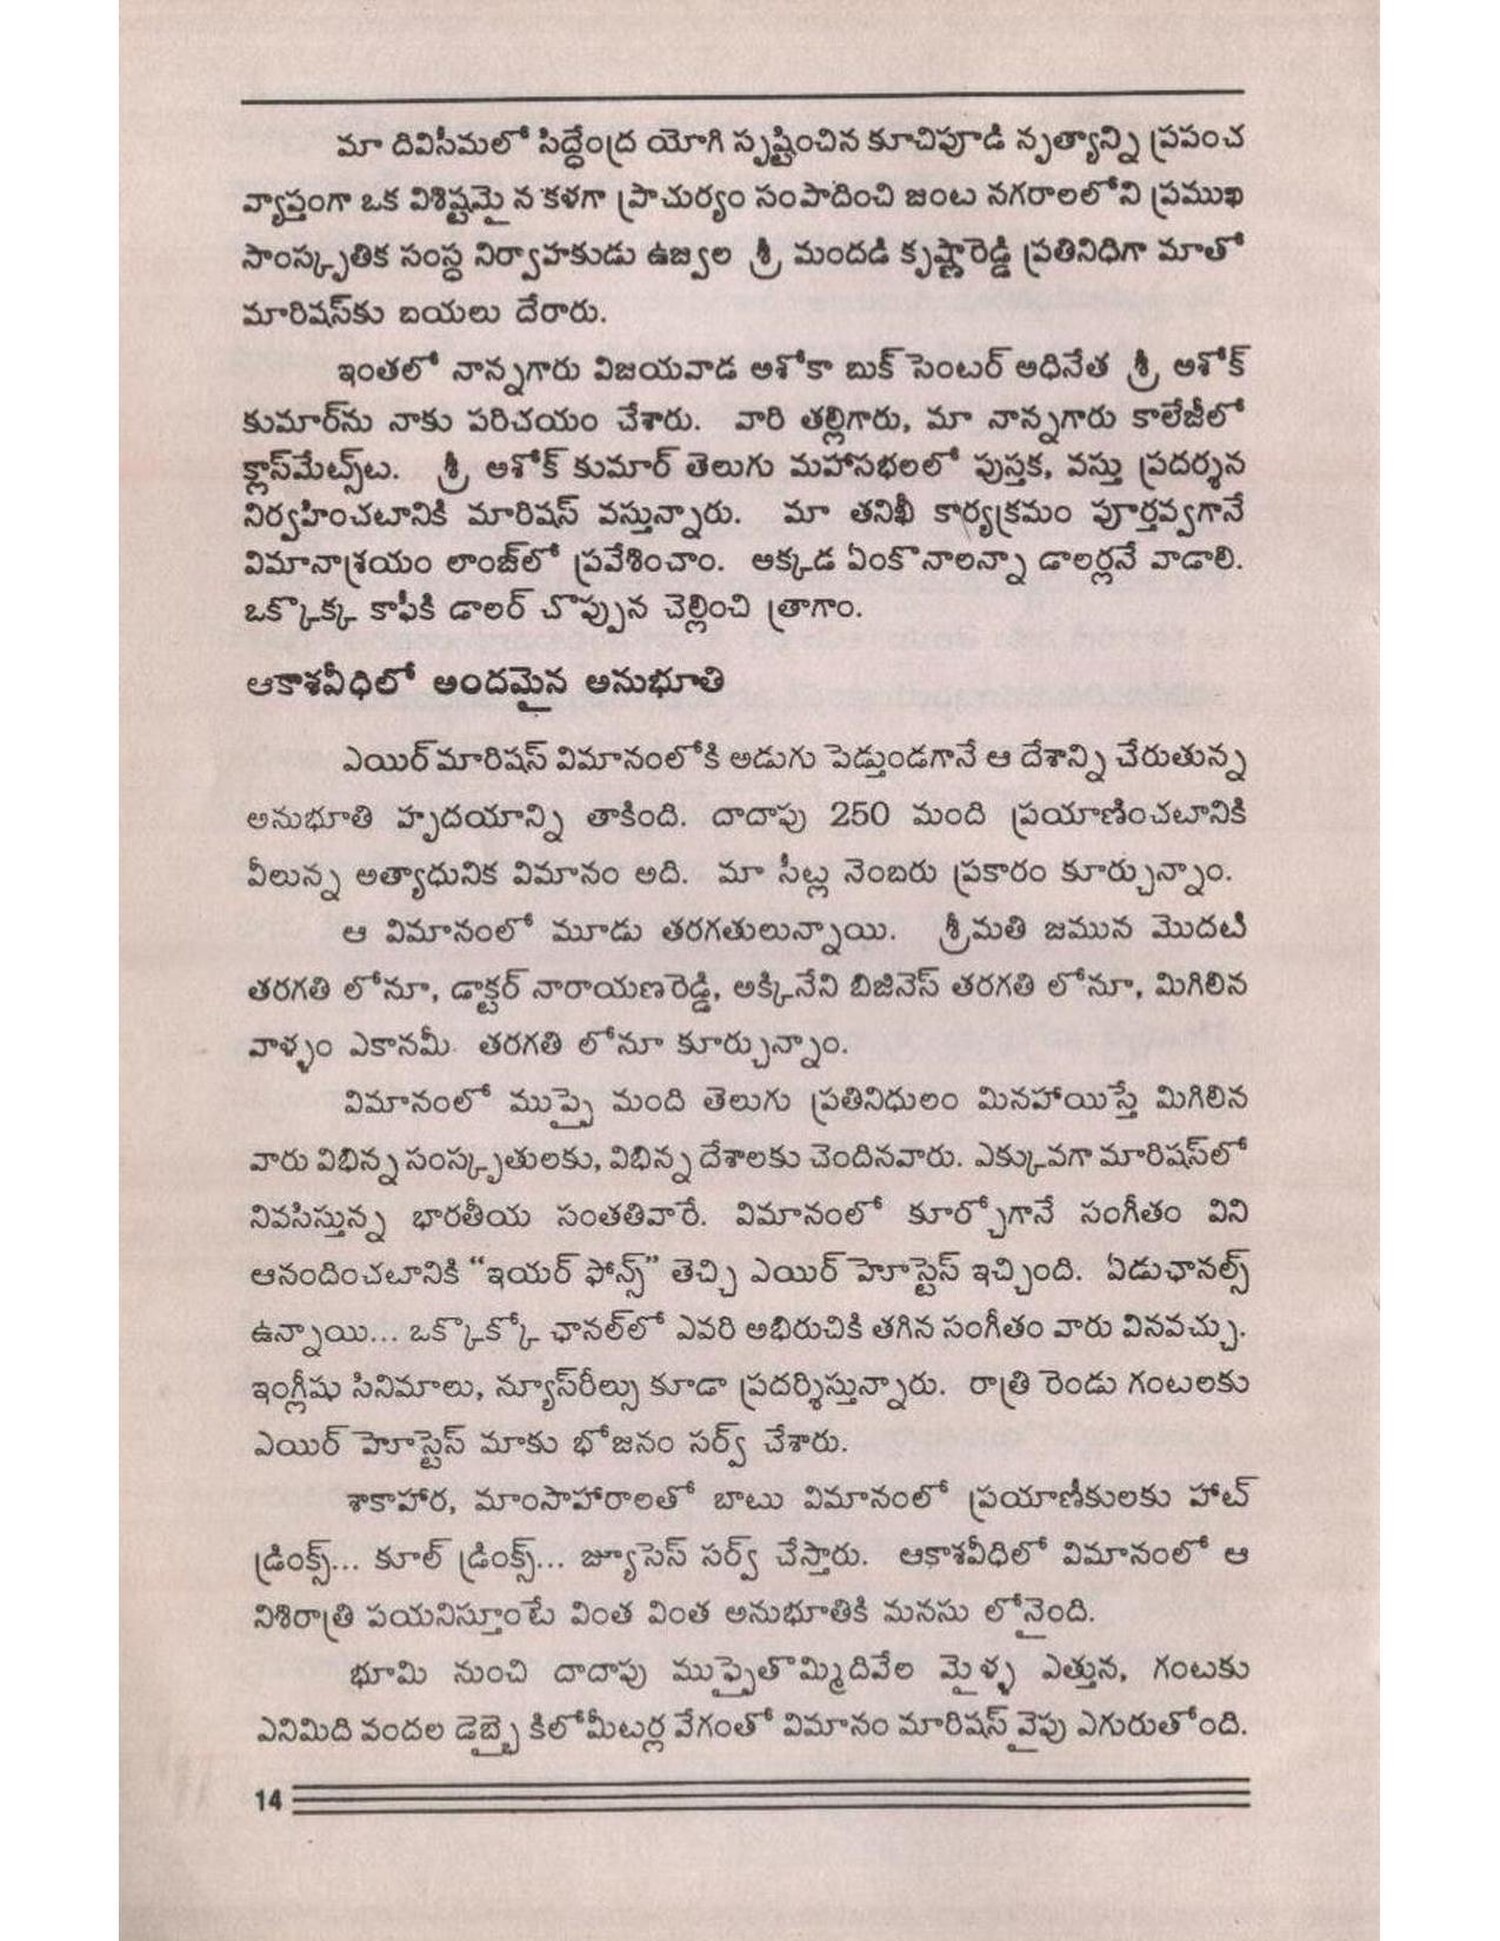మా దివిసీమలో సిద్ధేంద్ర యోగి సృష్టించిన కూచిపూడి నృత్యాన్ని ప్రపంచ వ్యాప్తంగా ఒక విశిష్టమైన కళగా ప్రాచుర్యం సంపాదించి జంట నగరాలలోని ప్రముఖ సాంస్కృతిక సంస్థ నిర్వాహకుడు ఉజ్వల శ్రీ మందడి కృష్ణారెడ్డి ప్రతినిధిగా మాతో మారిషస్‌కు బయలుదేరారు.

ఇంతలో నాన్నగారు విజయవాడ అశోకా బుక్‌సెంటర్ అధినేత శ్రీఅశోక్ కుమార్ ను నాకు పరిచయం చేశారు. వారి తల్లిగారు, మా నాన్నగారు కాలేజీలో క్లాస్ మేట్స్‌ట. శ్రీ అశోక్ కుమార్ తెలుగు మహాసభలలో పుస్తక, వస్తు ప్రదర్శన నిర్వహించటానికి మారిషస్ వస్తున్నారు. మా తనిఖీ కార్యక్రమం పూర్తవ్వగానే విమానాశ్రయం లాంజ్ లో ప్రవేశించాం. అక్కడ ఏంకొనాలన్నా డాలర్లనే వాడాలి. ఒక్కొక్క కాఫీకి డాలర్ చొప్పున చెల్లించి త్రాగాం.

ఆకాశవీధిలో అందమైన అనుభూతి

ఎయిర్ మారిషస్ విమానంలోకి అడుగు పెడ్తుండగానే ఆ దేశాన్ని చేరుతున్న అనుభూతి హృదయాన్ని తాకింది. దాదాపు 250 మంది ప్రయాణించటానికి వీలున్న అత్యాధునిక విమానం అది. మా సీట్ల నెంబరు ప్రకారం కూర్చున్నాం.

ఆ విమానంలో మూడు తరగతులున్నాయి. శ్రీమతి జమున మొదటి తరగతి లోనూ, డాక్టర్ నారాయణరెడ్డి, అక్కినేని బిజినెస్ తరగతి లోనూ, మిగిలిన వాళ్ళం ఎకానమీ తరగతి లోనూ కూర్చున్నాం.

విమానంలో ముప్పై మంది తెలుగు ప్రతినిధులం మినహాయిస్తే మిగిలిన వారు విభిన్న సంస్కృతులకు, విభిన్న దేశాలకు చెందినవారు. ఎక్కువగా మారిషస్‌లో నివసిస్తున్న భారతీయ సంతతివారే. విమానంలో కూర్చోగానే సంగీతం విని ఆనందించటానికి "ఇయర్ ఫోన్స్" తెచ్చి ఎయిర్ హోస్టెస్ ఇచ్చింది. ఏడు ఛానల్స్ ఉన్నాయి. ఒక్కొక్కో ఛానల్లో ఎవరి అభిరుచికి తగిన సంగీతం వారు వినవచ్చు. ఇంగ్లీషు సినిమాలు, న్యూస్ రీలు కూడా ప్రదర్శిస్తున్నారు. రాత్రి రెండు గంటలకు ఎయిర్ హోస్టెస్ మాకు భోజనం సర్వ్ చేశారు.

శాకాహార, మాంసాహారాలతో బాటు విమానంలో ప్రయాణీకులకు హాట్ డ్రింక్స్... కూల్‌డ్రింక్స్... జ్యూసెస్ సర్వ్ చేస్తారు. ఆకాశవీధిలో విమానంలో ఆ నిశిరాత్రి పయనిస్తూంటే వింత వింత అనుభూతికి మనసు లోనైంది.

భూమి నుంచి దాదాపు ముప్పైతొమ్మిదివేల మైళ్ళ ఎత్తున, గంటకు ఎనిమిది వందల డెబ్బై కిలోమీటర్ల వేగంతో విమానం మారిషస్ వైపు ఎగురుతోంది.